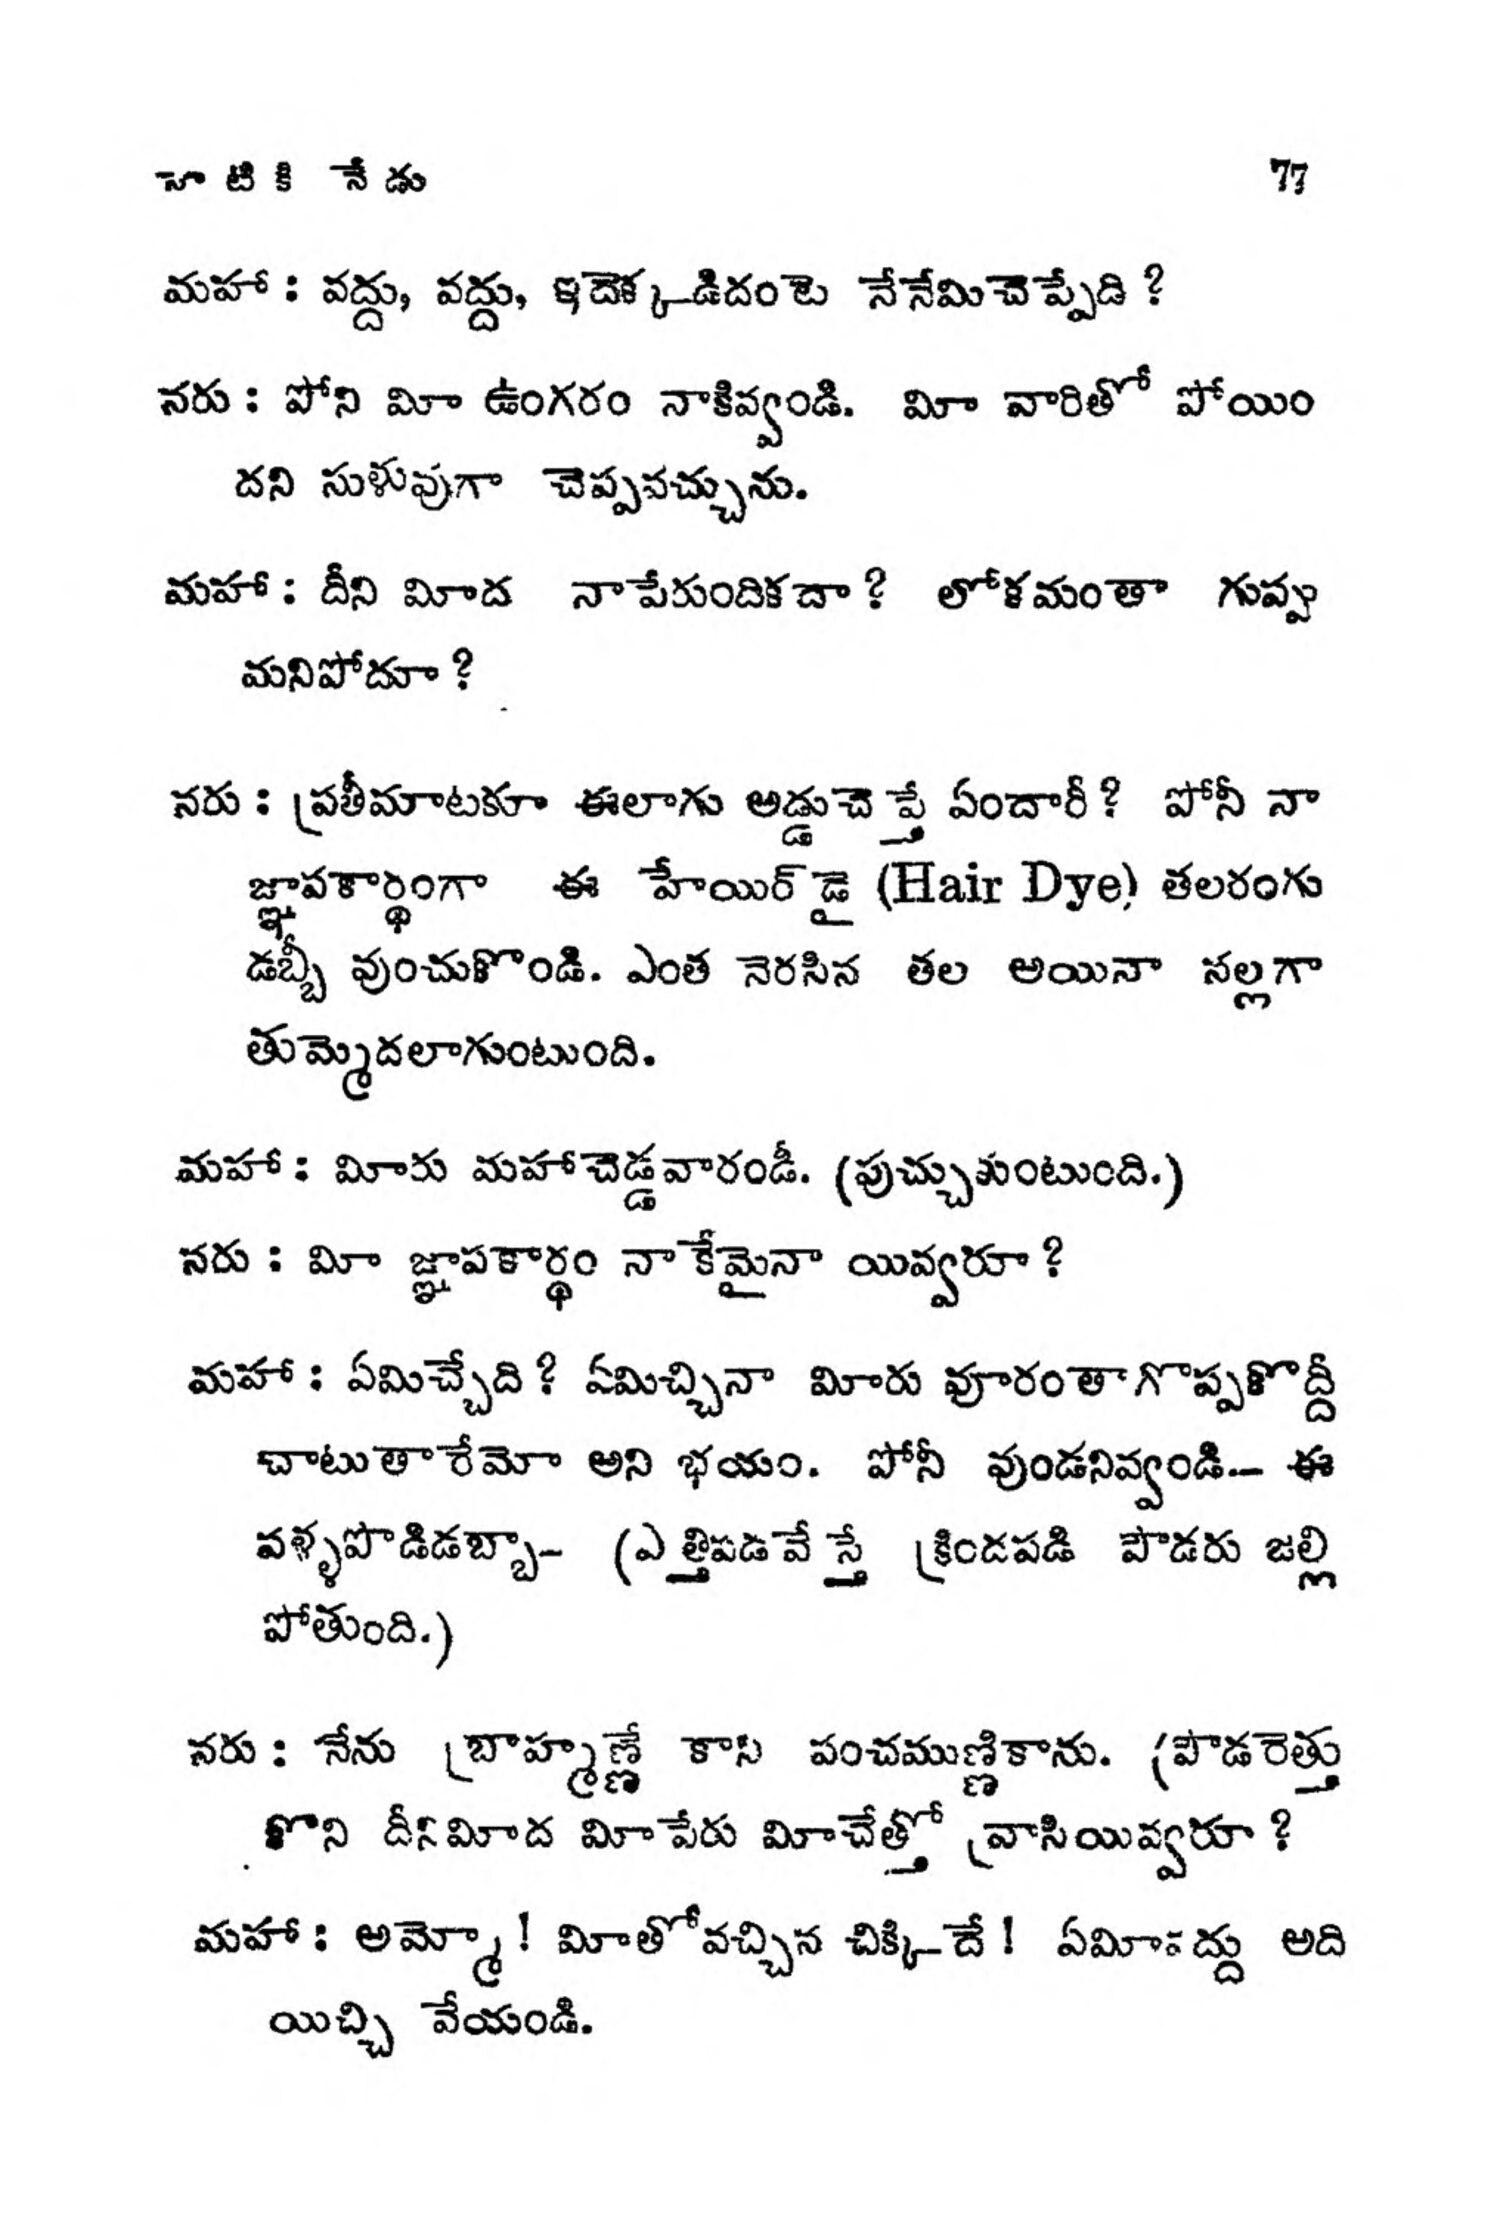మహా : వద్దు, వద్దు, ఇదెక్కడిదంటె నేనేమిచెప్పేది ?

నరు : పోని మీ ఉంగరం నాకివ్వండి. మీ వారితో పోయిందని సుళువుగా చెప్పవచ్చును.

మహా : దీని మీద నా పేరుందికదా? లోకమంతా గుప్పుమనిపోదూ?

నరు : ప్రతీమాటకూ ఈలాగు అడ్డుచెప్తే ఏందారీ ? పోనీ నా జ్ఞాపకార్థంగా ఈ హేయిర్ డై (Hair Dye) తలరంగు
డబ్బీ వుంచుకొండి. ఎంత నెరసిన తల అయినా నల్లగా తుమ్మెదలాగుంటుంది.

మహా : మీరు మహా చెడ్డవారండీ. (పుచ్చుకుంటుంది.)

నరు : మీ జ్ఞాపకార్థం నా కేమైనా యివ్వరూ?

మహా : ఏమిచ్చేది ? ఏమిచ్చినా మీరు వూరంతా గొప్పకొద్దీ చాటుతారేమో అని భయం. పోనీ వుండనివ్వండి-- ఈ
పళ్ళపొడిడబ్బా- (ఎత్తిపడవేస్తే క్రిందపడి పౌడరు జల్లి పోతుంది.)

నరు : నేను బ్రాహ్మణే కానీ పంచముణ్ణి కాను. (పౌడరెత్తుకొని దీనిమీద మీపేరు మీచేత్తో వ్రాసియివ్వరూ?

మహా : అమ్మో! మీతోవచ్చిన చిక్కిదే! ఏమీవద్దు అది యిచ్చి వేయండి.